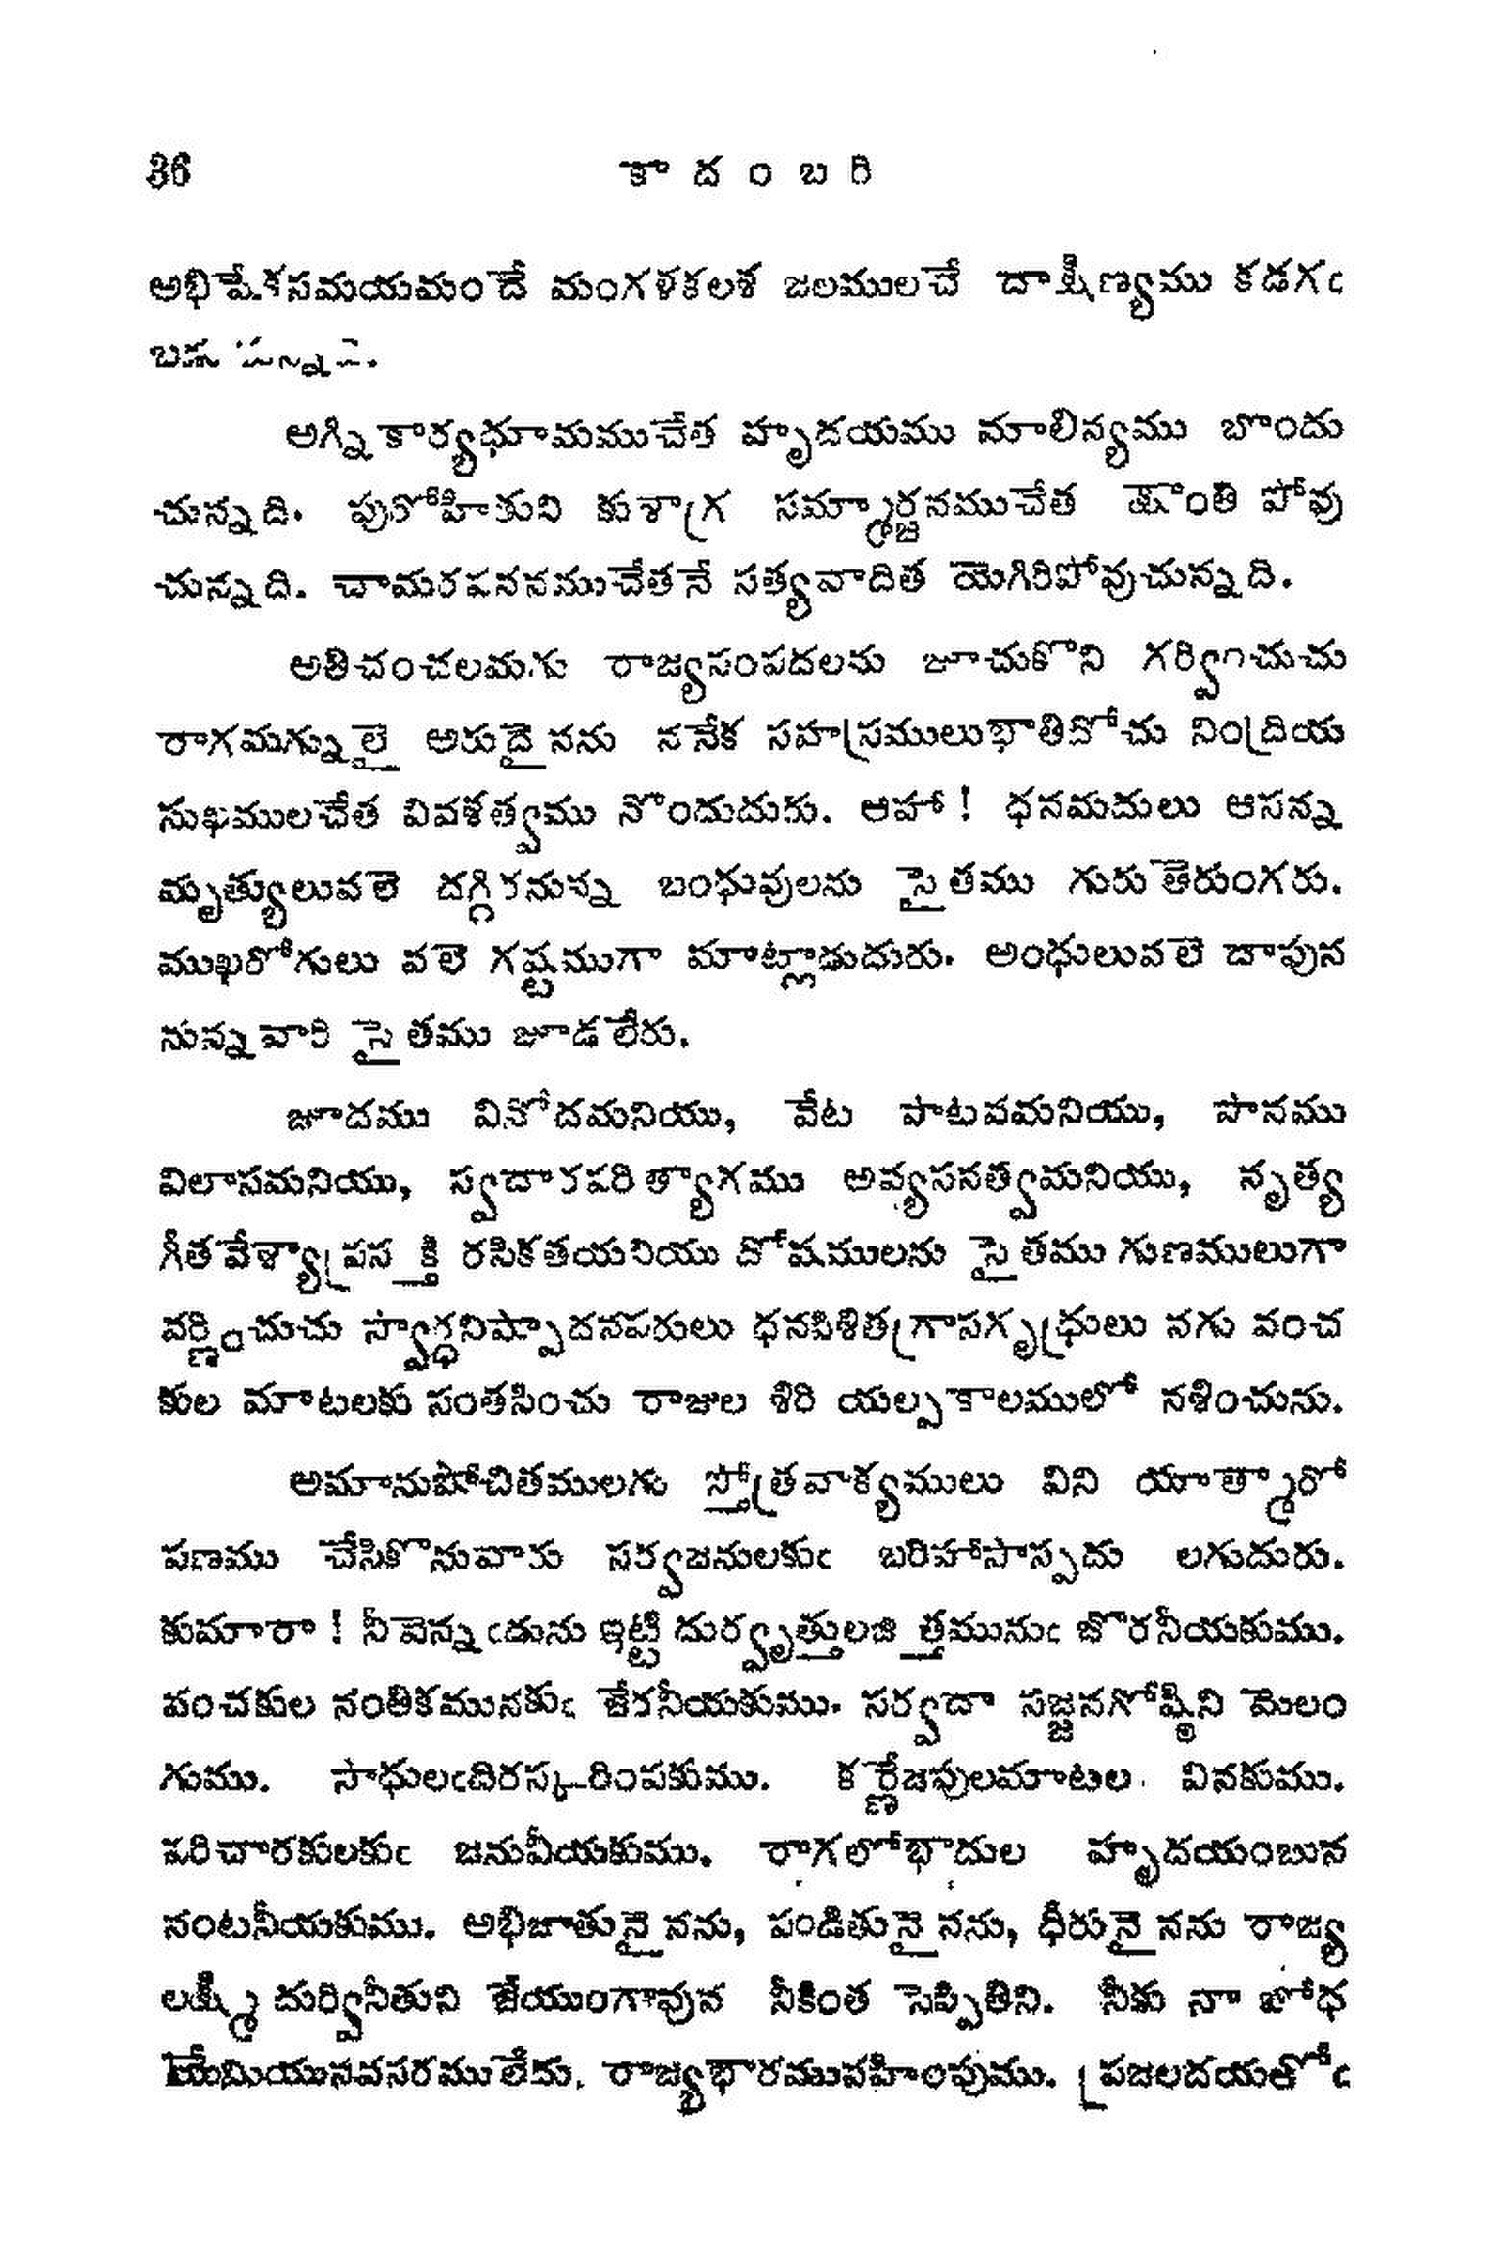అభిషేకసమయమందే మంగళకలశ జలములచే దాక్షిణ్యము కడగఁబడు చున్నది.

అగ్నికార్యధూమముచేత హృదయము మాలిన్యము బొందుచున్నది. పురోహితుని కుశాగ్ర సమ్మార్జనముచేత క్షాంతి పోవుచున్నది. చామరపననముచేతనే సత్యవాదిత యెగిరిపోవుచున్నది.

అతిచంచలమగు రాజ్యసంపదలను జూచుకొని గర్వించుచు రాగమగ్నులై అరుదైనను ననేక సహస్రములుభాతిదోచు నింద్రియ సుఖములచేత వివశత్వము నొందుదురు. ఆహా! ధనమదులు ఆసన్న మృత్యులువలె దగ్గిరనున్న బంధువులను సైతము గురుతెరుంగరు. ముఖరోగులు వలె గష్టముగా మాట్లాడుదురు. అంధులువలె దాపున నున్నవారి సైతము జూడలేరు.

జూదము వినోదమనియు, వేట పాటవమనియు, పానము విలాసమనియు, స్వదారపరిత్యాగము అవ్యసనత్వమనియు, నృత్యగీతవేశ్యాప్రసక్తి రసికతయనియు దోషములను సైతము గుణములుగా వర్ణించుచు స్వార్ధనిష్పాదనపరులు ధనపిశితగ్రాసగృధ్రులు నగు వంచకుల మాటలకు సంతసించు రాజుల శిరి యల్పకాలములో నశించును.

అమానుషషోచితములగు స్తోత్రవాక్యములు విని యాత్మారోపణము చేసికొనువారు సర్వజనులకుఁ బరిహాసాస్పదు లగుదురు. కుమారా! నీవెన్నఁడును ఇట్టి దుర్వృత్తులజిత్తమునుఁ జొరనీయకుము. వంచకుల నంతికమునకుఁ జేరనీయకుము. సర్వదా సజ్జనగోష్ఠిని మెలంగుము. సాధులఁదిరస్కరింపకుము. కర్ణేజవులమాటల వినకుము. పరిచారకులకుఁ జనువీయకుము. రాగలోభాదుల హృదయంబున నంటనీయకుము. అభిజాతునైనను, పండితునైనను, ధీరునైనను రాజ్యలక్ష్మి దుర్వినీతుల జేయుంగావున నీకింత సెప్పితిని. నీకు నా బోధ యేమియునవసరములేదు. రాజ్యభారమువహింపుము. ప్రజలదయతోఁ